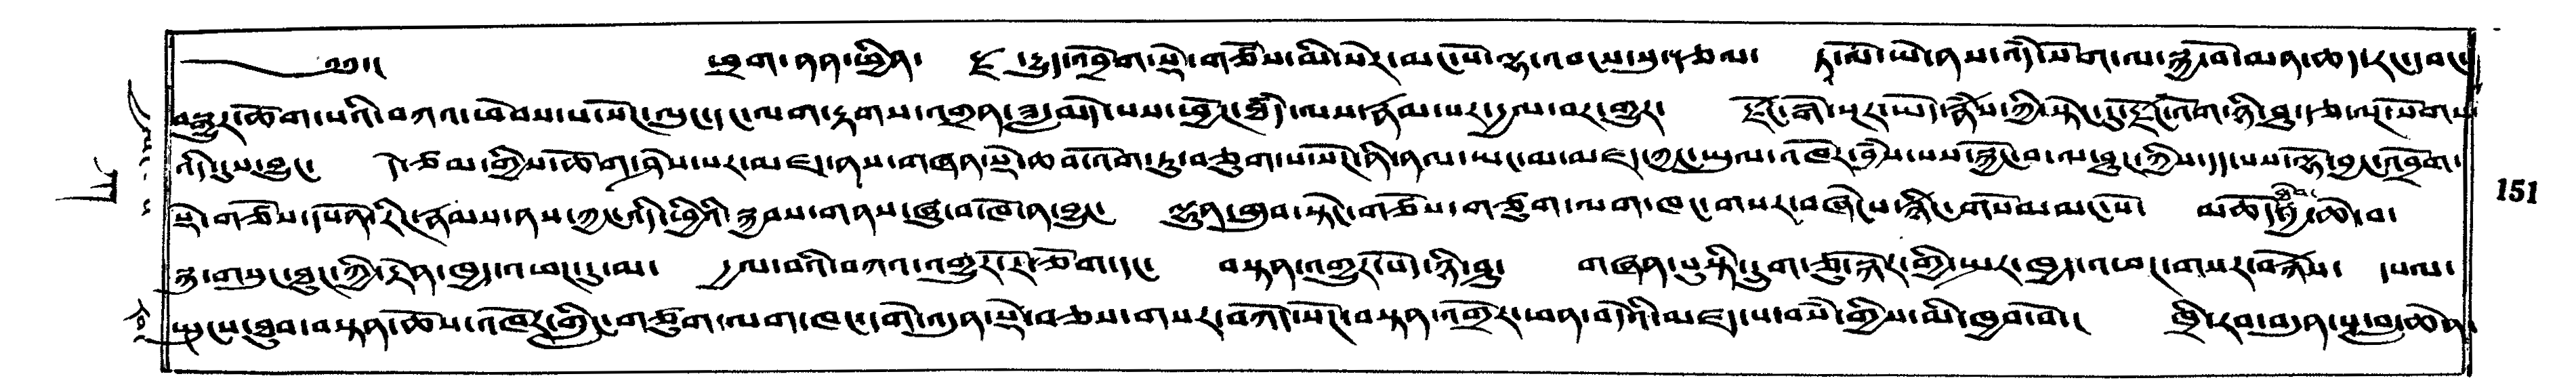ཕྲག་ནན་ཕྱིན། རྫ་རྒྱུད་འབྲོག་སྡེ་གཙོས་མི་སེར་མང་པོ་ལྷ་འབངས་སུ་རྩལ། ཏཱ་ལོ་ཡེ་ནས་འདམ་སོག་ལ་སྐྱ་བོ་མན་ཆད་རང་དབང་
བསྒྱུར་ཆོག་པའི་བཀའ་ཕེབས་པ་སོགས་ལུང་དང་ལག་རྟགས་འགྲན་ཟླ་མེད་པས་ཕྱོགས་ཐམས་ཅད་ལས་རྣམ་པར་རྒྱལ་བར་གྱུར། རྫོང་སྒོ་སྔར་ཡོད་རྣམས་ཀྱི་སྟེང་དུ་རྫོང་འོག་ཉི་ཤུ་རྩ་ལྔ་སོགས་
འདི་དུས་བྱུང་། དེ་ཙམ་གྱིས་ཆོག་ཤེས་པར་མཛད་ནས་གཞན་སྡེ་ཆབ་འོག་ཏུ་བཅུག་པ་སོགས་ནི་ནམ་ཡང་མི་མཛད་ཀྱང་ཡུལ་འཁོར་བྱམས་པས་སྐྱོང་བ་ལ་ཤུགས་ཀྱིས་དད་པས་ལྷོ་བྱང་འབྲོག་
སྡེ་གཙོས་དཔོན་རིགས་རྣམས་ནས་ཀྱང་འདི་ཕྱིའི་སྐྱབས་གནས་ཞུ་བ་ཁོ་ན་བྱུང་། ལྷུན་གྲུབ་སྟེང་གཙོས་གཙུག་ལག་ཁང་གསར་བཞེངས་རྙིང་གསོས་མང་པོ། མཆོད་ཐེབས་རྒྱ་ཆེ་བ། 
སྐུ་གསུང་ཐུགས་ཀྱི་རྟེན་ཁྱད་འཕགས་དུ་མ། རྒྱལ་བའི་བཀའ་འགྱུར་རོ་ཅོག་དང་། བསྟན་འགྱུར་པོད་ཉི་ཤུ། གཞན་པུསྟི་དྲུག་ཅུ་སྐོར་གྱི་སྤར་ཁྱད་འཕགས་གསར་བརྐོས། དཔལ་
སྤུངས་ཐུབ་བསྟན་ཆོས་འཁོར་གླིང་གཙུག་ལག་ཁང་དགེ་འདུན་སྡེ་བཅས་གསར་བཀོད་སོགས་བསྟན་འགྲོར་ཕན་བདེའི་མཛད་པ་བསམ་གྱིས་མི་ཁྱབ་བོ། ཁྲི་རབས་བདུན་པ་བླ་ཆེན་